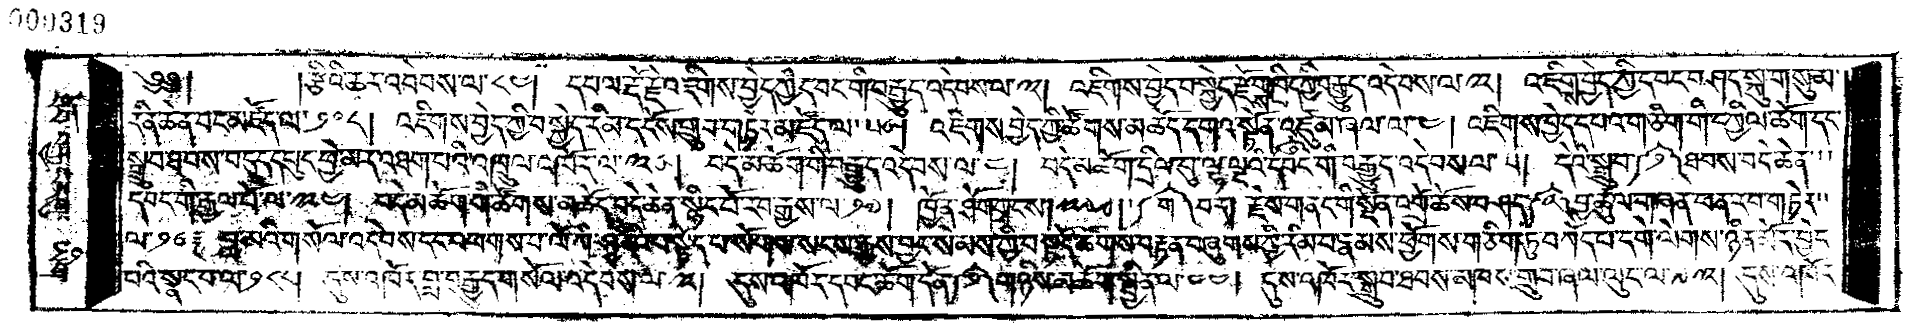༄༅། །རྩིའི་ཆར་འབེབས་ལ ༨༤། དཔལ་རྡོ་རྗེ་འཇིགས་བྱེད་ཀྱི་དབང་གི་བརྒྱུད་འདེབས་ལ ༣། འཇིགས་བྱེད་བསྐྱེད་རྫོགས་ཁྲིད་ཀྱི་བརྒྱུད་འདེབས་ལ ༣། འཇིགས་བྱེད་ཀྱི་དབང་བཤད་སྐུ་གསུམ་
རིན་ཆེན་བང་མཛོད་ལ ༡༠༨། འཇིགས་བྱེད་ཀྱི་བསྐྱེད་རིམ་དངོས་གྲུབ་གཏེར་མཛོད་ལ ༥༦། འཇིགས་བྱེད་ཀྱི་ཚོགས་མཆོད་དགའ་སྟོན་འཛུམ་ཞལ་ལ ༤། འཇིགས་བྱེད་དཔའ་གཅིག་གི་དཀྱིལ་ཆོག་དང་
སྒྲུབ་ཐབས་བདུད་དཔུང་ཕྱེ་མར་འཐག་པའི་འཁྲུལ་འཁོར་ལ ༣༠། བདེ་མཆོག་གི་བརྒྱུད་འདེབས་ལ ༤། བདེ་མཆོག་དྲིལ་བུ་ལྷ་ལྔའི་དབང་གི་བརྒྱུད་འདེབས་ལ ༥། དེའི་སྒྲུབ ༼༡༽ ཐབས་བདེ་ཆེན་དབང་གི་རྒྱལ་པོ་ལ ༣༤། བདེ་མཆོག་གི་ཚོགས་མཆོད་བདེ་ཆེན་སྙིང་པོ་རབ་རྒྱས་ལ ༡༧། ཁྱོན་ཤོག་གྲངས། ༣༧༧། ༼ག༽ བར། རྗེས་གནང་གི་སྔོན་འགྲོ་ཆོས་བཤད ༼༢༽ བྱ་ཚུལ་གཞན་ཕན་རབ་གཏེར་
ལ ༡༠༑ བླ་མའི་གསོལ་འདེབས་དང་འཕགས་པ་ལོ་ཀི་ཤྭ་རིའི་བསྟོད་པ་སོགས་སངས་རྒྱས་བྱང་སེམས་ཀྱི་བསྟོད་ཚོགས་བརྟན་བཞུགས་ཀྱི་རིམ་པ་རྣམས་ཕྱོགས་གཅིག་ཏུ་བཀོད་པ་དགེ་ལེགས་ཉིན་མོར་བྱེད་
པའི་སྣང་བ་ལ ༡༨༨། དུས་འཁོར་བླ་བརྒྱུད་གསོལ་འདེབས་ལ ༣། དུས་འཁོར་དབང་ཆོག་དོན ༼༡༽ གཉིས་མཆོག་སྦྱིན་ལ ༤༤། དུས་འཁོར་སྒྲུབ་ཐབས་མཁས་གྲུབ་ཞལ་ལུང་ལ ༧༣། དུས་འཁོར་